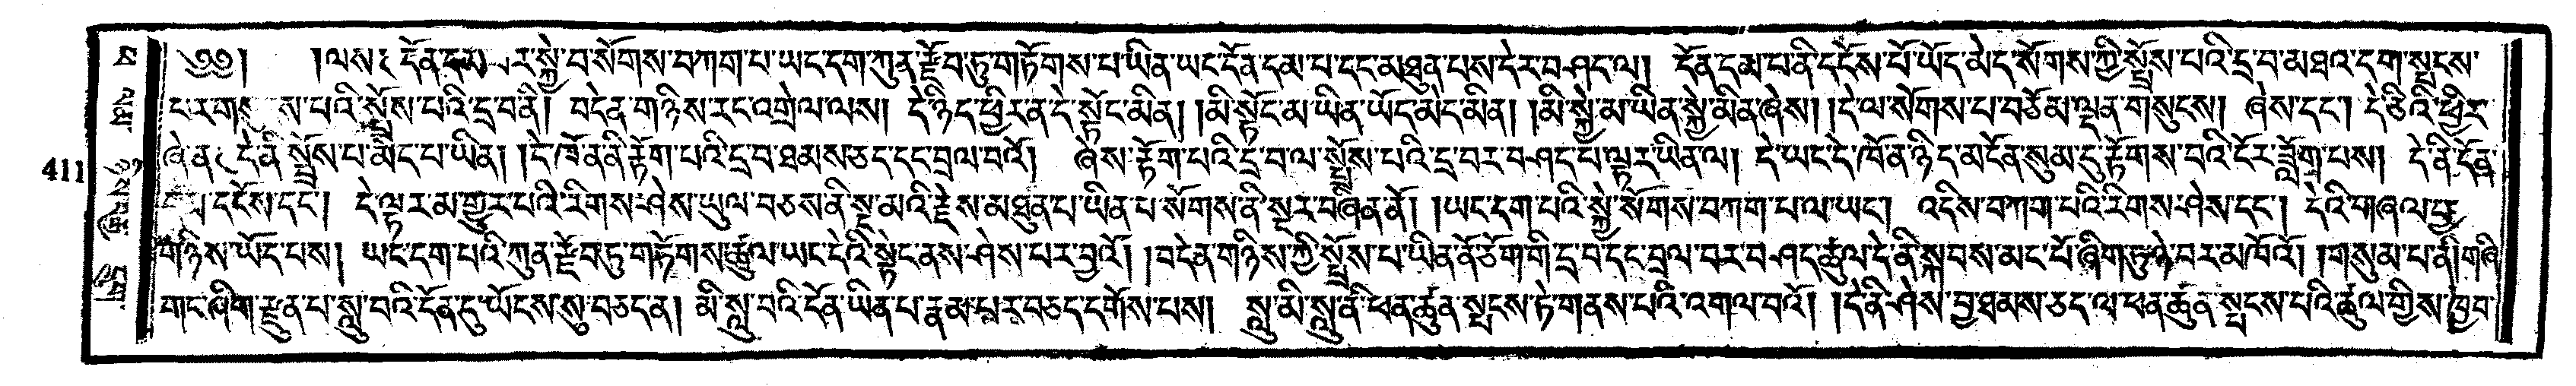༄༅། །ལས༑ དོན་དམ་པར་སྐྱེ་བ་སོགས་བཀག་པ་ཡང་དག་ཀུན་རྫོབ་ཏུ་གཏོགས་པ་ཡིན་ཡང་དོན་དམ་པ་དང་མཐུན་པས་དེར་བཤད་ལ། དོན་དམ་པ་ནི་དངོས་པོ་ཡོད་མེད་སོགས་ཀྱི་སྤྲོས་པའི་དྲ་བ་མཐའ་དག་སྤངས་
པར་གསུངས་པའི་སྤྲོས་པའི་དྲ་བ་ནི། བདེན་གཉིས་རང་འགྲེལ་ལས། དེ་ཉིད་ཕྱིར་ན་དེ་སྟོང་མིན། །མི་སྟོང་མ་ཡིན་ཡོད་མེད་མིན། །མི་སྐྱེ་མ་ཡིན་སྐྱེ་མིན་ཞེས། །དེ་ལ་སོགས་པ་བཅོམ་ལྡན་གསུངས། ཞེས་དང་། དེ་ཅིའི་ཕྱིར་
ཞེ་ན༑ དེ་ནི་སྤྲོས་པ་མེད་པ་ཡིན། །དེ་ཁོ་ན་ནི་རྟོག་པའི་དྲ་བ་ཐམས་ཅད་དང་བྲལ་བའོ། ཞེས་རྟོག་པའི་དྲ་བ་ལ་སྤྲོས་པའི་དྲ་བར་བཤད་པ་ལྟར་ཡིན་ལ། དེ་ཡང་དེ་ཁོ་ན་ཉིད་མངོན་སུམ་དུ་རྟོགས་བའི་ངོར་ཟློག་པས། དེ་ནི་དོན་
དམ་དངོས་དང་། དེ་ལྟར་མ་གྱུར་པའི་རིགས་ཤེས་ཡུལ་བཅས་ནི་སྔ་མའི་རྗེས་མཐུན་པ་ཡིན་པ་སོགས་ནི་སྔར་བཞིན་ནོ། །ཡང་དག་པའི་སྐྱེ་སོགས་བཀག་པ་ལ་ཡང་། འདིས་བཀག་པའི་རིགས་ཤེས་དང་། དེའི་གཞལ་བྱ་
གཉིས་ཡོད་པས། ཡང་དག་པའི་ཀུན་རྫོབ་ཏུ་གཏོགས་ཚུལ་ཡང་དེའི་སྟེང་ནས་ཤེས་པར་བྱའོ། །བདེན་གཉིས་ཀྱི་སྤྲོས་པ་ཡིན་ནོ་ཅོག་གི་དྲ་བ་དང་བྲལ་བར་བཤད་ཚུལ་དེ་ནི་སྐབས་མང་པོ་ཞིག་ཏུ་ཉེ་བར་མཁོའོ། །གསུམ་པ་ནི། གཞི་
གང་ཞིག་རྫུན་པ་སླུ་བའི་དོན་དུ་ཡོངས་སུ་བཅད་ན། མི་སླུ་བའི་དོན་ཡིན་པ་རྣམ་པར་བཅད་དགོས་པས། སླུ་མི་སླུ་ནི་ཕན་ཚུན་སྤངས་ཏེ་གནས་པའི་འགལ་བའོ། །དེ་ནི་ཤེས་བྱ་ཐམས་ཅད་ལ་ཕན་ཚུན་སྤངས་པའི་ཚུལ་གྱིས་ཁྱབ་